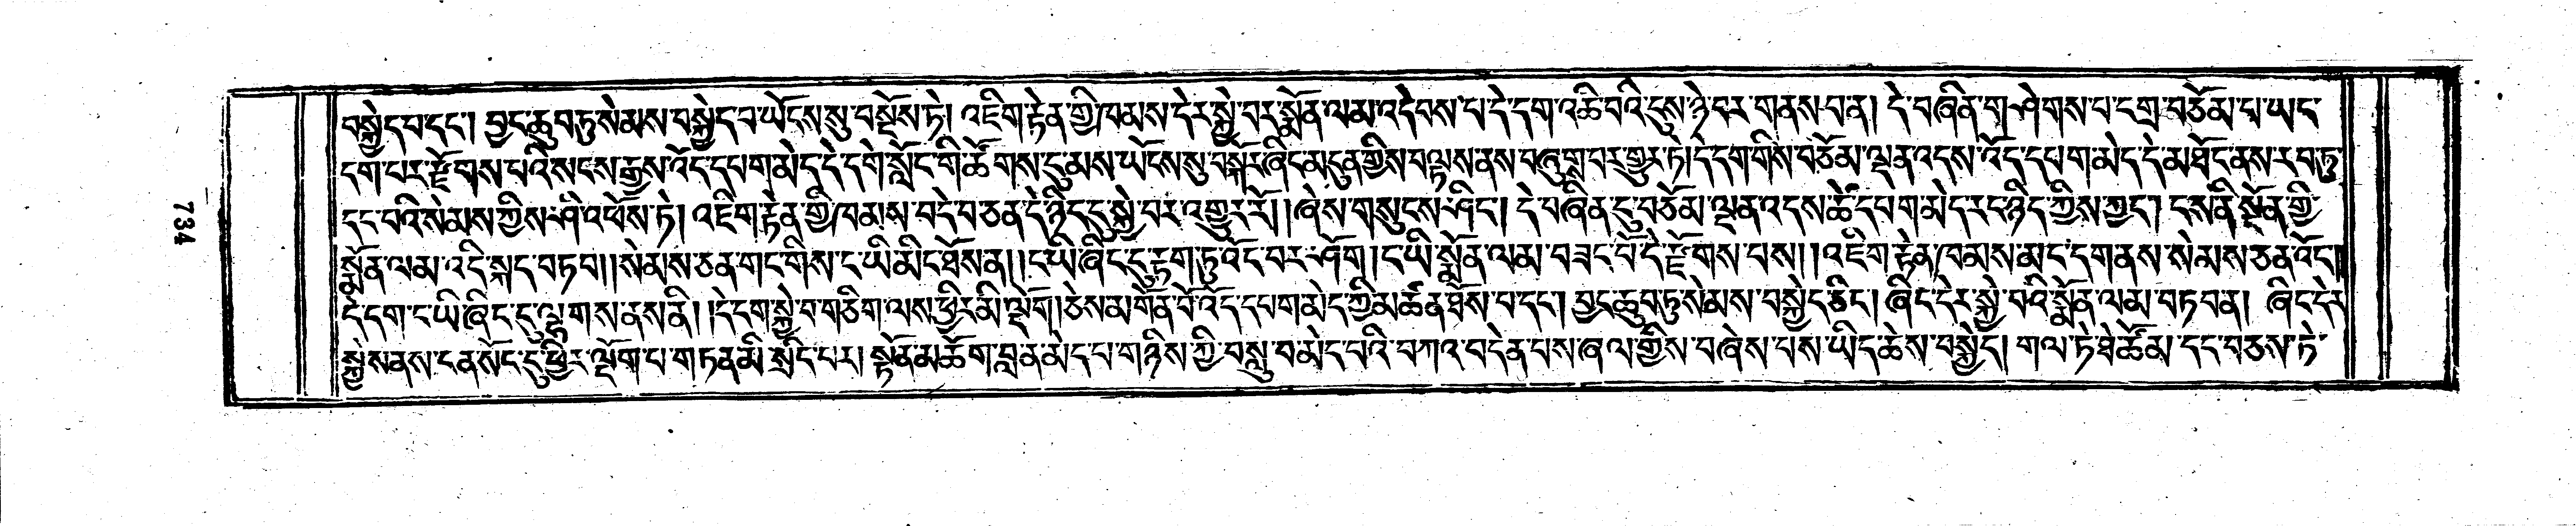བསྐྱེད་པ་དང་། བྱང་ཆུབ་ཏུ་སེམས་བསྐྱེད་པ་ཡོངས་སུ་བསྔོས་ཏེ། འཇིག་རྟེན་གྱི་ཁམས་དེར་སྐྱེ་བར་སྨོན་ལམ་འདེབས་པ་དེ་དག་འཆི་བའི་དུས་ཉེ་བར་གནས་པ་ན། དེ་བཞིན་གཤེགས་པ་དགྲ་བཅོམ་པ་ཡང་
དག་པར་རྫོགས་པའི་སངས་རྒྱས་འོད་དཔག་མེད་དེ་དགེ་སློང་གི་ཚོགས་དུ་མས་ཡོངས་སུ་བསྐོར་ཞིང་མདུན་གྱིས་བལྟས་ནས་བཞུགས་པར་གྱུར་ཏེ། དེ་དག་གིས་བཅོམ་ལྡན་འདས་འོད་དཔག་མེད་དེ་མཐོང་ནས་རབ་ཏུ་
དང་བའི་སེམས་ཀྱིས་ཤི་འཕོས་ཏེ། འཇིག་རྟེན་གྱི་ཁམས་བདེ་བ་ཅན་དེ་ཉིད་དུ་སྐྱེ་བར་འགྱུར་རོ། །ཞེས་གསུངས་ཤིང་། དེ་བཞིན་དུ་བཅོམ་ལྡན་འདས་ཚེ་དཔག་མེད་རང་ཉིད་ཀྱིས་ཀྱང་། ངས་ནི་སྔོན་གྱི་
སྨོན་ལམ་འདི་སྐད་བཏབ། །སེམས་ཅན་གང་གིས་ང་ཡི་མིང་ཐོས་ན། །ང་ཡི་ཞིང་དུ་རྟག་ཏུ་འོང་བར་ཤོག །ང་ཡི་སྨོན་ལམ་བཟང་པོ་དེ་རྫོགས་པས། །འཇིག་རྟེན་ཁམས་མང་དག་ནས་སེམས་ཅན་འོང།།
དེ་དག་ང་ཡི་ཞིང་དུ་ལྷགས་ནས་ནི། །དེ་དག་སྐྱེ་བ་གཅིག་ལས་ཕྱིར་མི་ལོག །ཅེས་མགོན་པོ་འོད་དཔག་མེད་ཀྱི་མཚན་ཐོས་པ་དང་། བྱང་ཆུབ་ཏུ་སེམས་བསྐྱེད་ཅིང་། ཞིང་དེར་སྐྱེ་བའི་སྨོན་ལམ་བཏབ་ན། ཞིང་དེར་
སྐྱེས་ནས་ངན་སོང་དུ་ཕྱིར་ལྡོག་པ་གཏན་མི་སྲིད་པར། སྟོན་མཆོག་བླ་ན་མེད་པ་གཉིས་ཀྱི་བསླུ་བ་མེད་པའི་བཀའ་བདེན་པས་ཞལ་གྱིས་བཞེས་པས་ཡིད་ཆེས་བསྐྱེད། གལ་ཏེ་ཐེ་ཚོམ་དང་བཅས་ཏེ་